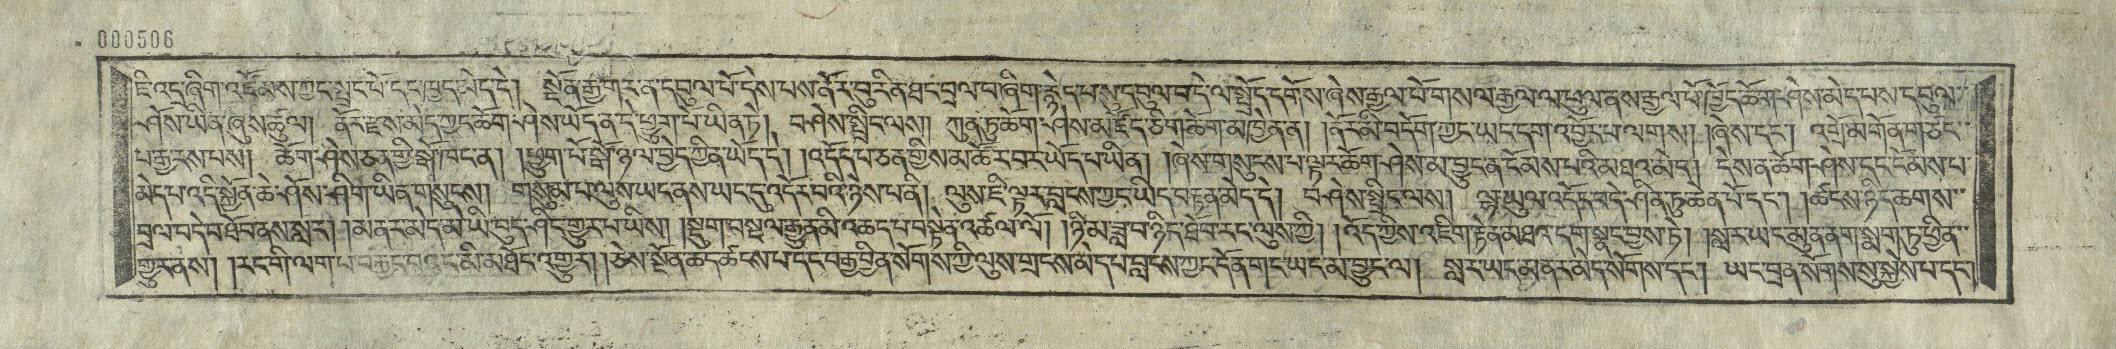ཇི་འདྲ་ཞིག་འཛོམས་ཀྱང་སྤྲང་པོ་དང་ཁྱད་མེད་དེ། སྔོན་རྒྱ་གར་ན་དབུལ་པོ་དེས་པས་ནོར་བུ་རིན་ཐང་བྲལ་བ་ཞིག་རྙེད་པ་སུ་དབུལ་བ་དེ་ལ་སྤྲོད་དགོས་ཞེས་རྒྱལ་པོ་གསལ་རྒྱལ་ལ་ཕུལ་ནས་རྒྱལ་པོ་ཁྱོད་ཆོག་ཤེས་མེད་པས་དབུལ་
ཤོས་ཡིན་ཞུས་ཚུལ། ནོར་རྫས་མེད་ཀྱང་ཆོག་ཤེས་ཡོད་ན་དེ་ཕྱུག་པོ་ཡིན་ཏེ། བཤེས་སྤྲིང་ལས། ཀུན་ཏུ་ཆོག་ཤེས་མཛོད་ཅིག་ཆོག་མཁྱེན་ན། །ནོར་མི་བདོག་ཀྱང་ཡང་དག་འབྱོར་པ་ལགས། །ཞེས་དང་། འགྲོ་མགོན་གཙང་
པ་རྒྱ་རས་པས། ཆོག་ཤེས་ཅན་གྱི་སྒོ་ཁང་ན། །ཕྱུག་པོ་སྒོ་ཉལ་བྱེད་ཀྱིན་ཡོད་དེ། །འདོད་པ་ཅན་གྱིས་མ་ཚོར་བར་ཡོད་པ་ཡིན། །ཞེས་གསུངས་པ་ལྟར་ཆོག་ཤེས་མ་བྱུང་ན་ངོམས་པའི་མཐའ་མེད། དེས་ན་ཆོག་ཤེས་དང་ངོམས་པ་
མེད་པ་འདི་སྐྱོན་ཆེ་ཤོས་ཤིག་ཡིན་གསུངས། གསུམ་པ་ལུས་ཡང་ནས་ཡང་དུ་འདོར་བའི་ཉེས་པ་ནི། ལུས་ཇི་ལྟར་བླངས་ཀྱང་ཡིད་བརྟན་མེད་དེ། བཤེས་སྤྲིང་ལས། ལྷ་ཡུལ་འདོད་བདེ་ཤིན་ཏུ་ཆེན་པོ་དང་། །ཚངས་ཉིད་ཆགས་
བྲལ་བདེ་བ་ཐོབ་ནས་སླར། །མནར་མེད་མེ་ཡི་བུད་ཤིང་གྱུར་པ་ཡིས། །སྡུག་བསྔལ་རྒྱུན་མི་འཆད་པ་བསྟེན་འཚལ་ལོ། །ཉི་མ་ཟླ་བ་ཉིད་ཐོབ་རང་ལུས་ཀྱི། །འོད་ཀྱིས་འཇིག་རྟེན་མཐའ་དག་སྣང་བྱས་ཏེ། །སླར་ཡང་མུན་ནག་སྨག་ཏུ་ཕྱིན་
གྱུར་ནས། །རང་གི་ལག་པ་བརྐྱང་བའང་མི་མཐོང་འགྱུར། །ཅེས་སྔོན་ཆད་ཚངས་པ་དང་བརྒྱ་བྱིན་སོགས་ཀྱི་ལུས་གྲངས་མེད་པ་བླངས་ཀྱང་དོན་གང་ཡང་མ་བྱུང་ལ། སླར་ཡང་མནར་མེད་སོགས་དང་། ཡང་བྲན་སོགས་སུ་སྐྱེས་པ་དང་།